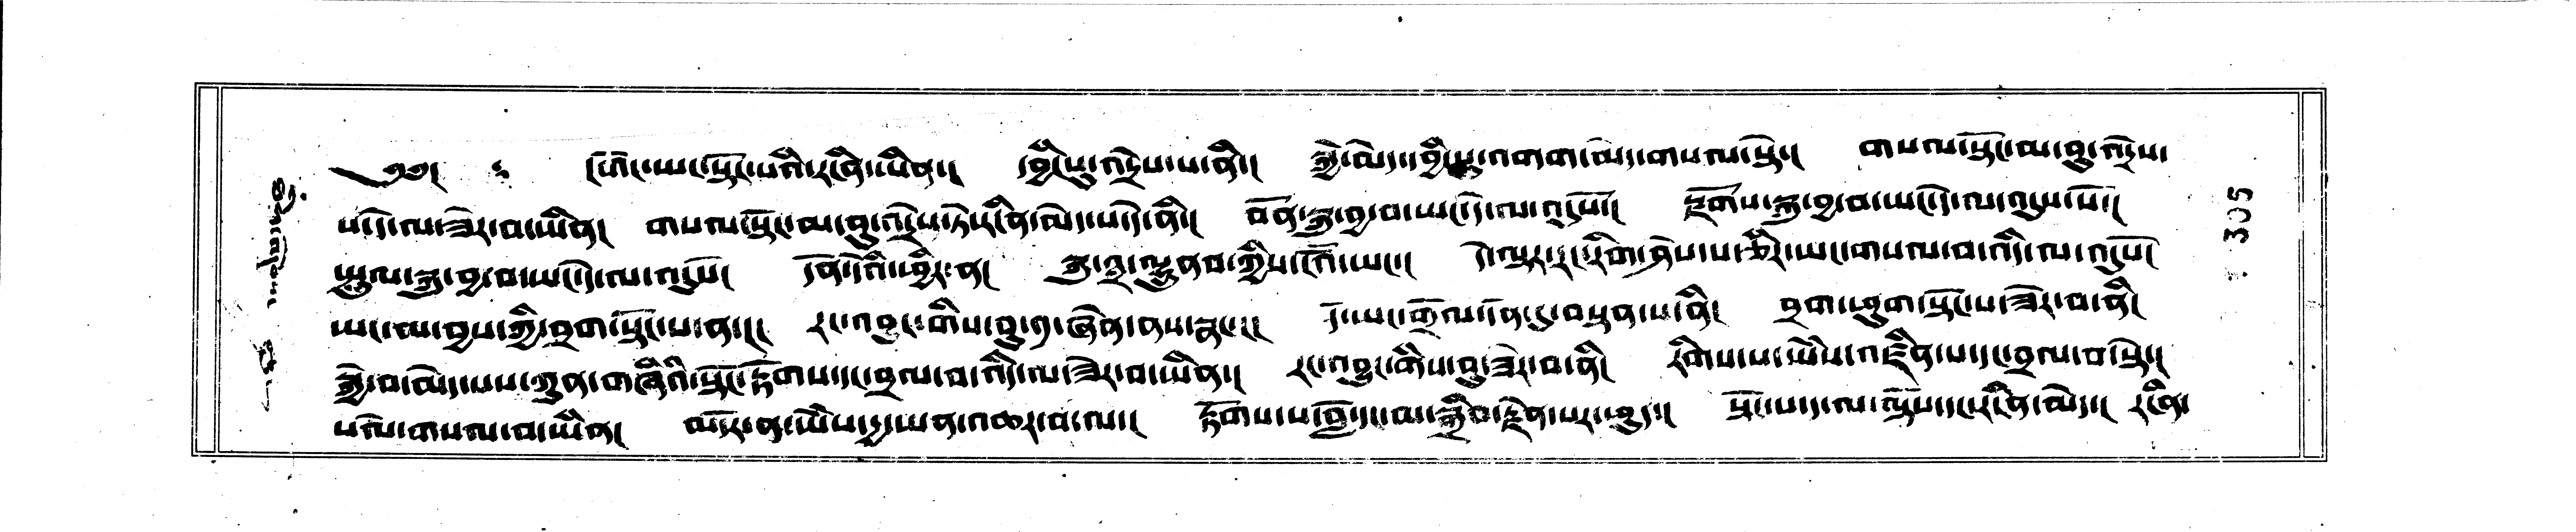གང་ཡང་སྟོང་པའི་རང་བཞིན་ཅན་ཡིན། དབྱིངས་སུ་འདྲེས་པས་ནི་ སྐྱེ་མེད་ཀྱིས་དབྱིངས་སུ་འགགས་མེད་གསལ་བ་སྟེ། གསལ་སྟོང་མ་བུ་འདྲེས་
པ་ལ་ཟེར་བ་ཡིན། གསལ་སྟོང་མ་བུ་འདྲེས་ཏེ་རང་བཞིན་མེད་པ་དེ་ནི། བོན་སྐུ་བྱ་བ་ཡང་དེ་ལས་འདུས་སོ། རྫོགས་སྐུ་བྱ་བ་ཡང་དེ་ལས་འདུས་སོ། 
སྤྲུལ་སྐུ་བྱ་བ་ཡང་དེ་ལས་འདུས་སོ། དོན་དེའི་ཕྱིར་ན། སྐུ་གསུམ་ལྷུན་གྲུབ་ཀྱིས་ངོའོ་འདི་ཡང་ད་ལྟ་རང་གིས་ཤེས་པ་ཅིར་ཡང་གསལ་བ་འདི་ལས་འདུས་སོ། 
ཡང་མ་བྱས་ཀྱི་བྲག་ཕུག་སྟོང་པ་རུ། རང་འབྱུང་གི་བུ་གཅིག་ཞེ་ནས་སྣང་། དེ་ཡང་བཀྲོལ་དོན་དུ་བསྟན་པ་ནི། བྲག་ཕུག་སྟོང་པ་ཟེར་བ་ནི། 
སྐྱེ་བ་མེད་པའི་ཀུན་གཞི་སྟོང་རྟོག་དང་བྲལ་བ་འདི་ལ་ཟེར་བ་ཡིན་ནོ། རང་འབྱུང་གིས་བུ་ཟེར་བ་ནི། རིག་པའི་ཡེ་ཤེས་འཛིན་པ་དང་བྲལ་ཏེ་སལེ་གསལ་
བ་ལ་ཟེར་བ་ཡིན། མདོར་ན་ཡེ་ཤེས་རྒྱ་ཡན་འཆར་བ་ལ། རྟོགས་པའི་བློའི་མ་སྒྲིབ་རྗེན་པར་ཕུད། རྟོག་པ་དེ་ལ་ལྟོས་དང་རང་བཞིན་མེད། རང་བཞིན་མེད་